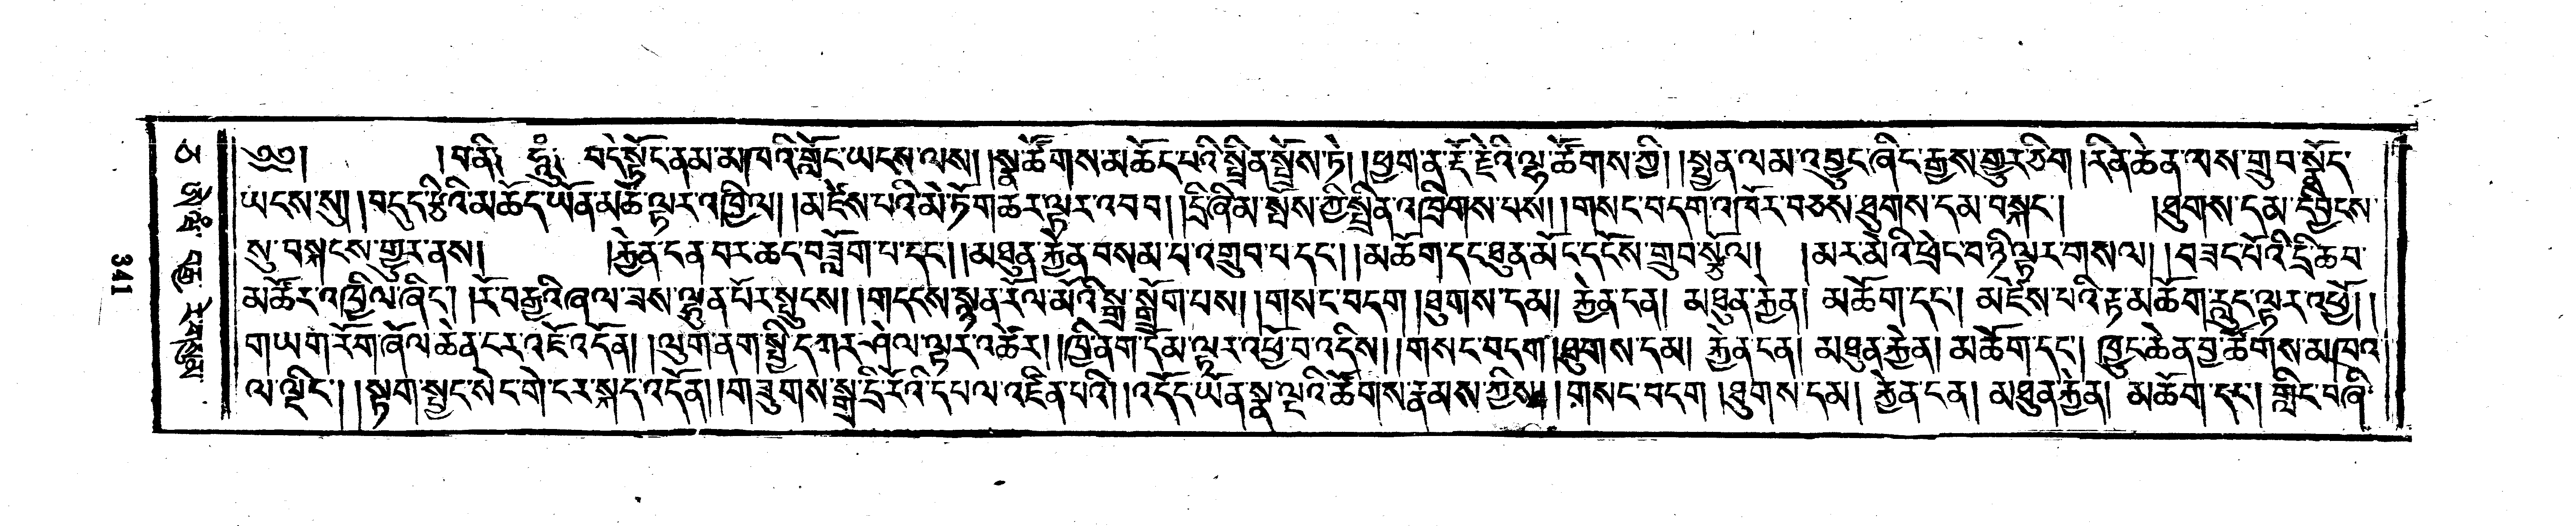༄༅། །བ་ནི། ཧཱུཾ། བདེ་སྟོང་ནམ་མཁའི་གློང་ཡངས་ལས། །སྣ་ཚོགས་མཆོད་པའི་སྤྲིན་སྤྲོས་ཏེ། །ཕྱག་ན་རྡོ་རྗེའི་ལྷ་ཚོགས་ཀྱི། །སྤྱན་ལམ་འབྱུང་ཞིང་རྒྱས་གྱུར་ཅིག །རིན་ཆེན་ལས་གྲུབ་སྣོད་
ཡངས་སུ། །བདུད་རྩིའི་མཆོད་ཡོན་མཚོ་ལྟར་འཁྱིལ། །མཛེས་པའི་མེ་ཏོག་ཆར་ལྟར་འབབ། །དྲི་ཞིམ་སྤོས་ཀྱི་སྤྲིན་འཁྲིགས་པས། །གསང་བདག་འཁོར་བཅས་ཐུགས་དམ་བསྐང་། །ཐུགས་དམ་དབྱིངས་
སུ་བསྐངས་གྱུར་ནས། །རྐྱེན་ངན་བར་ཆད་བཟློག་པ་དང་། །མཐུན་རྐྱེན་བསམ་པ་འགྲུབ་པ་དང་། །མཆོག་དང་ཐུན་མོང་དངོས་གྲུབ་སྩོལ། །མར་མེའི་ཕྲེང་བ་ཉི་ལྟར་གསལ། །བཟང་པོའི་དྲི་ཆབ་
མཚོར་འཁྱིལ་ཞིང་། །རོ་བརྒྱའི་ཞལ་ཟས་ལྷུན་པོར་སྤུངས། །གདངས་སྙན་རོལ་མོའི་སྒྲ་སྒྲོག་པས། །གསང་བདག །ཐུགས་དམ། རྐྱེན་ངན། མཐུན་རྐྱེན། མཆོག་དང་། མཛེས་པའི་རྟ་མཆོག་རླུང་ལྟར་འཕྱོ།།
གཡག་རོག་ཞོལ་ཆེན་ངར་འཇོ་འདོན། །ལུག་ནག་སྤྱི་དཀར་ཤེལ་ལྟར་འཚེར། །ཁྱི་ནག་དོམ་ལྟར་འཕྱོ་བ་འདིས། །གསང་བདག །ཐུགས་དམ། རྐྱེན་ངན། མཐུན་རྐྱེན། མཆོག་དང་། ཁྱུང་ཆེན་བྱ་ཚོགས་མཁའ་
ལ་ལྡིང་། །སྟག་སྤྱང་སེང་གེ་ངར་སྐད་འདོན། །གཟུགས་སྒྲ་དྲི་རོའི་དཔལ་འཛིན་པའི། །འདོད་ཡོན་སྣ་ལྔའི་ཚོགས་རྣམས་ཀྱིས། །གསང་བདག །ཐུགས་དམ། རྐྱེན་ངན། མཐུན་རྐྱེན། མཆོག་དང་། གླིང་བཞི་